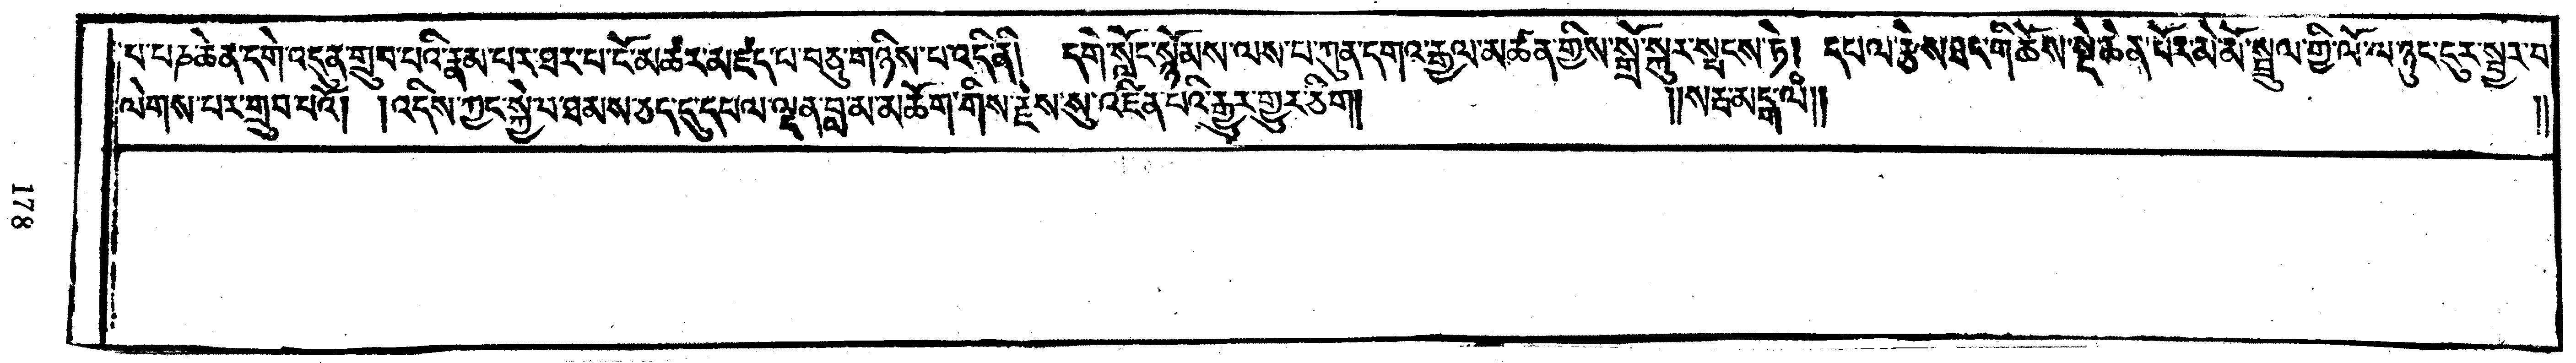པ་པཎ་ཆེན་དགེ་འདུན་གྲུབ་པའི་རྣམ་པར་ཐར་པ་ངོ་མཚར་མཛད་པ་བཅུ་གཉིས་པ་འདི་ནི། དགེ་སློང་སྙོམས་ལས་པ་ཀུན་དགའ་རྒྱལ་མཚན་གྱིས་སྒྲོ་སྐུར་སྤངས་ཏེ། དཔལ་རྩེས་ཐང་གི་དྖོས་སྡེ་ཆེན་པོར་མེ་མོ་སྦྲུལ་གྱི་ལོ་ལ་ཉུང་དུར་སྦྱར་བ་
ལེགས་པར་གྲུབ་པའོ། །འདིས་ཀྱང་སྐྱེ་པ་ཐམས་ཅད་དུ་དཔལ་ལྡན་བླ་མ་མཆོག་གིས་རྗེས་སུ་འཛིན་པའི་རྒྱུར་གྱུར་ཅིག། །།སརྦ་མངྒ་ལཾ།།